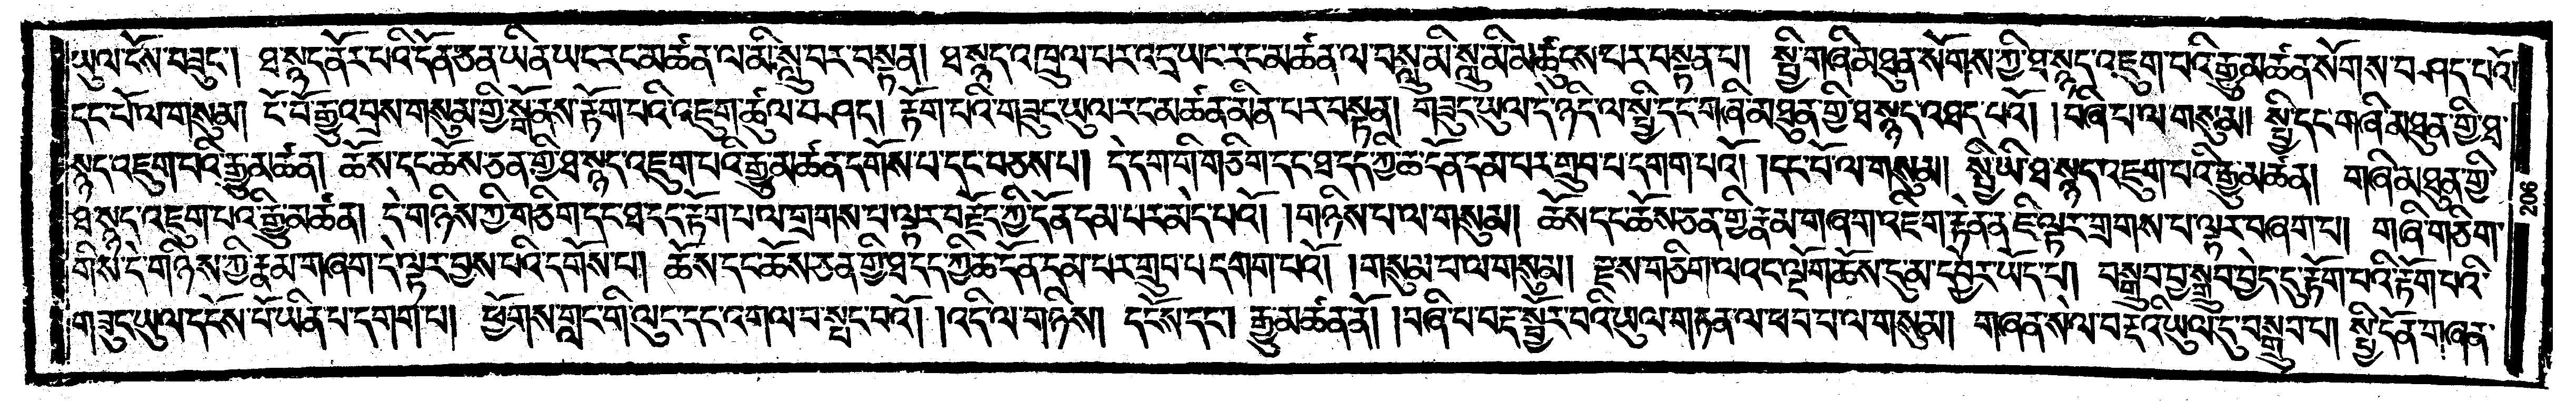ཡུལ་ངོས་བཟུང་། ཐ་སྙད་ནོར་པའི་དོན་ཅན་ཡིན་ཡང་རང་མཚན་ལ་མི་སླུ་བར་བསྟན། ཐ་སྙད་འཁྲུལ་པར་འདྲ་ཡང་རང་མཚན་ལ་བསླུ་མི་སླུ་མི་མཚུངས་པར་བསྟན་པ། སྤྱི་གཞི་མཐུན་སོགས་ཀྱི་ཐ་སྙད་འཇུག་པའི་རྒྱུ་མཚན་སོགས་བཤད་པའོ།
དང་པོ་ལ་གསུམ། ངོ་བོ་རྒྱུ་འབྲས་གསུམ་གྱི་སྒོ་ནས་རྟོག་པའི་འཇུག་ཚུལ་བཤད། རྟོག་པའི་གཟུང་ཡུལ་རང་མཚན་མིན་པར་བསྟན། གཟུང་ཡུལ་དེ་ཉིད་ལ་སྤྱི་དང་གཞི་མཐུན་གྱི་ཐ་སྙད་འཐད་པའོ། །བཞི་པ་ལ་གསུམ། སྤྱི་དང་གཞི་མཐུན་གྱི་ཐ་
སྙད་འཇུག་པའི་རྒྱུ་མཚན། ཆོས་དང་ཆོས་ཅན་གྱི་ཐ་སྙད་འཇུག་པའི་རྒྱུ་མཚན་དགོས་པ་དང་བཅས་པ། དེ་དག་གི་གཅིག་དང་ཐ་དད་ཀྱི་ཆ་དོན་དམ་པར་གྲུབ་པ་དགག་པའོ། །དང་པོ་ལ་གསུམ། སྤྱི་ཡི་ཐ་སྙད་འཇུག་པའི་རྒྱུ་མཚན། གཞི་མཐུན་གྱི་
ཐ་སྙད་འཇུག་པའི་རྒྱུ་མཚན། དེ་གཉིས་ཀྱི་གཅིག་དང་ཐ་དད་རྟོག་པ་ལ་གྲགས་པ་ལྟར་བརྗོད་ཀྱི་དོན་དམ་པར་མེད་པའོ། །གཉིས་པ་ལ་གསུམ། ཆོས་དང་ཆོས་ཅན་གྱི་རྣམ་གཞག་འཇིག་རྟེན་ན་ཇི་ལྟར་གྲགས་པ་ལྟར་བཞག་པ། གཞི་གཅིག་
གིས་དེ་གཉིས་ཀྱི་རྣམ་གཞག་དེ་ལྟར་བྱས་པའི་དགོས་པ། ཆོས་དང་ཆོས་ཅན་གྱི་ཐ་དད་ཀྱི་ཆ་དོན་དམ་པར་གྲུབ་པ་དགག་པའོ། །གསུམ་པ་ལ་གསུམ། རྫས་གཅིག་ལའང་ལྡོག་ཆོས་དུ་མ་དབྱེར་ཡོད་པ། བསྒྲུབ་བྱ་སྒྲུབ་བྱེད་དུ་རྟོག་པའི་རྟོག་པའི་
གཟུང་ཡུལ་དངོས་པོ་ཡིན་པ་དགག་པ། ཕྱོགས་གླང་གི་ལུང་དང་འགལ་བ་སྤང་བའོ། །འདི་ལ་གཉིས། དངོས་དང་། རྒྱུ་མཚན་ནོ། །བཞི་པ་བརྡ་སྦྱོར་བའི་ཡུལ་གཏན་ལ་ཕབ་པ་ལ་གསུམ། གཞན་སེལ་བརྡའི་ཡུལ་དུ་བསྒྲུབ་པ། སྤྱི་དོན་གཞན་